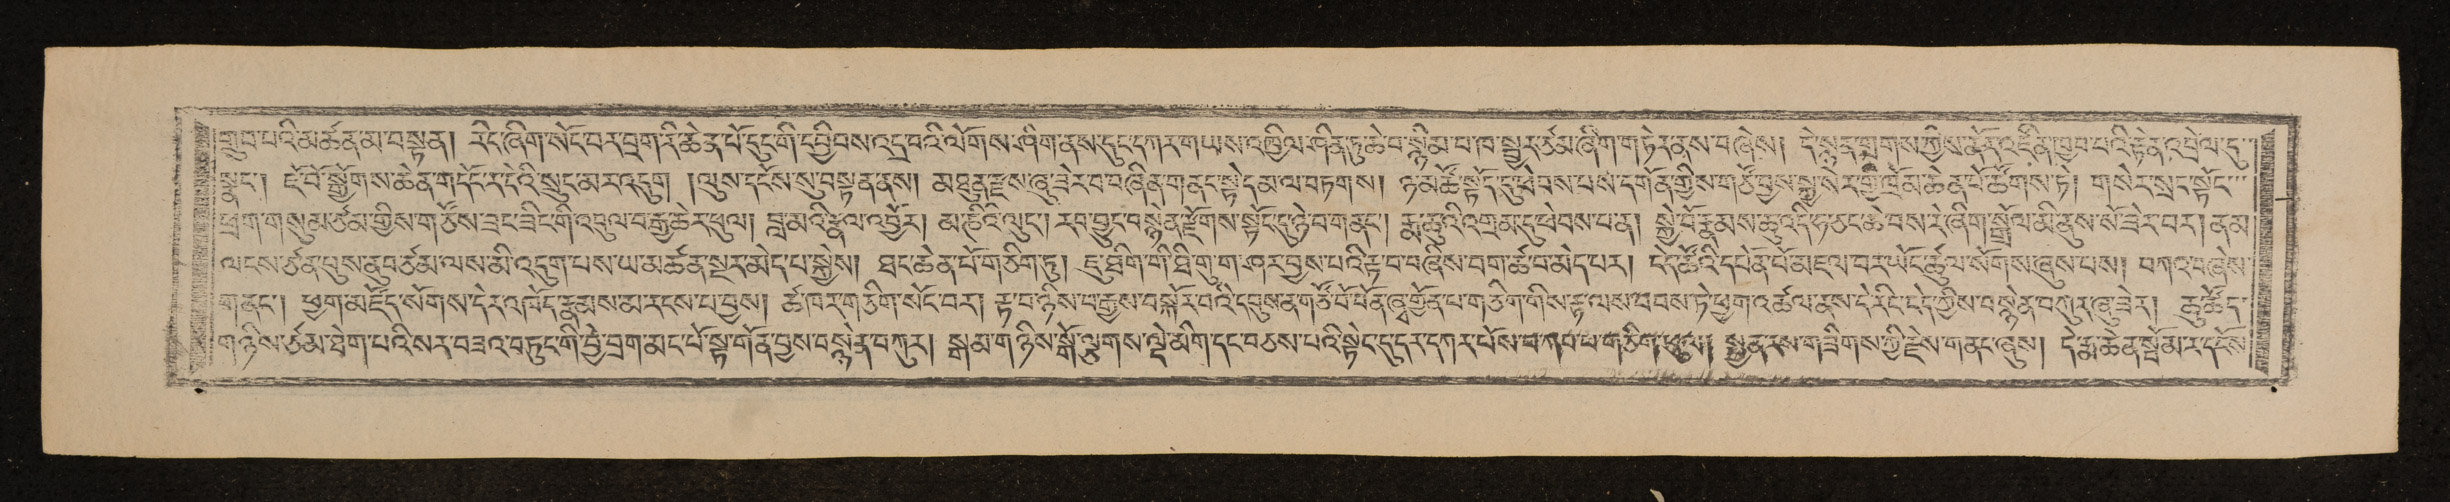གྲུབ་པའི་མཚན་མ་བསྟན། རིང་ཞིག་སོང་བར་བྲག་རི་ཆེན་པོ་དུང་གི་དབྱིབས་འདྲ་བའི་ལོགས་ཤིག་ནས་དུང་དཀར་གཡས་འཁྱིལ་ཤིན་ཏུ་ཆེ་བ་སྙིམ་པ་ཁ་སྦྱར་ཙམ་ཞིག་གཏེར་ནས་བཞེས། དེ་སྙན་གྲགས་ཀྱིས་ནོར་འཛིན་ཁྱབ་པའི་རྟེན་འབྲེལ་དུ་
སྣང༑ ཇོ་བོ་སྒྱོགས་ཆེན་གདོང་ར་དེའི་སྲུང་མར་འདུག །ལུས་དངོས་སུ་བསྟན་ནས། མཐུན་རྫས་ཞུ་ཟེར་བ་བཞིན་གནང་སྟེ་དམ་ལ་བཏགས། ཉ་མཚོ་སྟོད་དུ་ཕེབས་པས་དགོན་གྱིས་གཙོ་བྱས་སྐྱ་སེར་གྱི་ཁྲོམ་ཆེན་པོ་ཚོགས་ཏེ། གསེར་སྲང་སྟོང་
ཕྲག་གསུམ་ཙམ་གྱིས་གཙོས་ཟང་ཟིང་གི་འབུལ་བ་རྒྱ་ཆེར་ཕུལ། བླ་མའི་རྣལ་འབྱོར། མ་ཎིའི་ལུང་། རབ་བྱུང་བསྙེན་རྫོགས་སྟོང་དུ་ཉེ་བ་གནང་། རྨ་ཆུའི་འགྲམ་དུ་ཕེབས་པ་ན། སྐྱེ་བོ་རྣམས་ཆུ་འདི་ཧ་ཅང་ཆེ་བས་རེ་ཞིག་སྒྲོལ་མི་ནུས་སོ་ཟེར་བར། ནམ་
ལངས་ཙན་པུས་ནུབ་ཙམ་ལས་མི་འདུག་པས་ཡ་མཚན་སྔར་མེད་པ་སྐྱེས། ཐང་ཆེན་པོ་གཅིག་ཏུ། ཇུ་ཐིག་གི་ཐི་གུ་ག་ཤར་བྱས་པའི་རྟ་པ་བཞིས་བག་ཚ་བ་མེད་པར། ངེད་ཚོའི་དཔོན་པོ་མཇལ་བར་ཡོང་ཚུལ་སོགས་ཞུས་པས། བཀའ་བཞེས་
གནང་། ཕྱག་མཛོད་སོགས་དེར་འཁོད་རྣམས་མ་རངས་བ་བྱས། ཚ་ཁང་གཅིག་སོང་བར། རྟ་བ་ཉིས་བརྒྱས་བསྐོར་བའི་དབུས་ན་གཙོ་བོ་བོན་ཞྭ་གྱོན་པ་གཅིག་གིས་རྟ་ལས་བབས་ཏེ་ཕྱག་འཚལ་ནས་དེ་རིང་ངེད་ཀྱིས་བསྙེན་བཀུར་ཞུ་ཟེར། ཆུ་ཚོད་
གཉིས་ཙམ་ཐེག་པའི་སར་བཟའ་བཏུང་གི་བྱེ་བྲག་མང་པོ་སྟ་གོན་བྱས་བསྙེན་བཀུར། སྒམ་གཉིས་སྒོ་ལྕགས་ལྡེ་མིག་དང་བཅས་པའི་སྟེང་དུ་དར་དཀར་པོས་བཀབ་པ་གཅིག་ཕུལ། སྤྱན་རས་གཟིགས་ཀྱི་རྗེས་གནང་ཞུས། དེ་རྨ་ཆེན་སྤོམ་ར་དངོས་